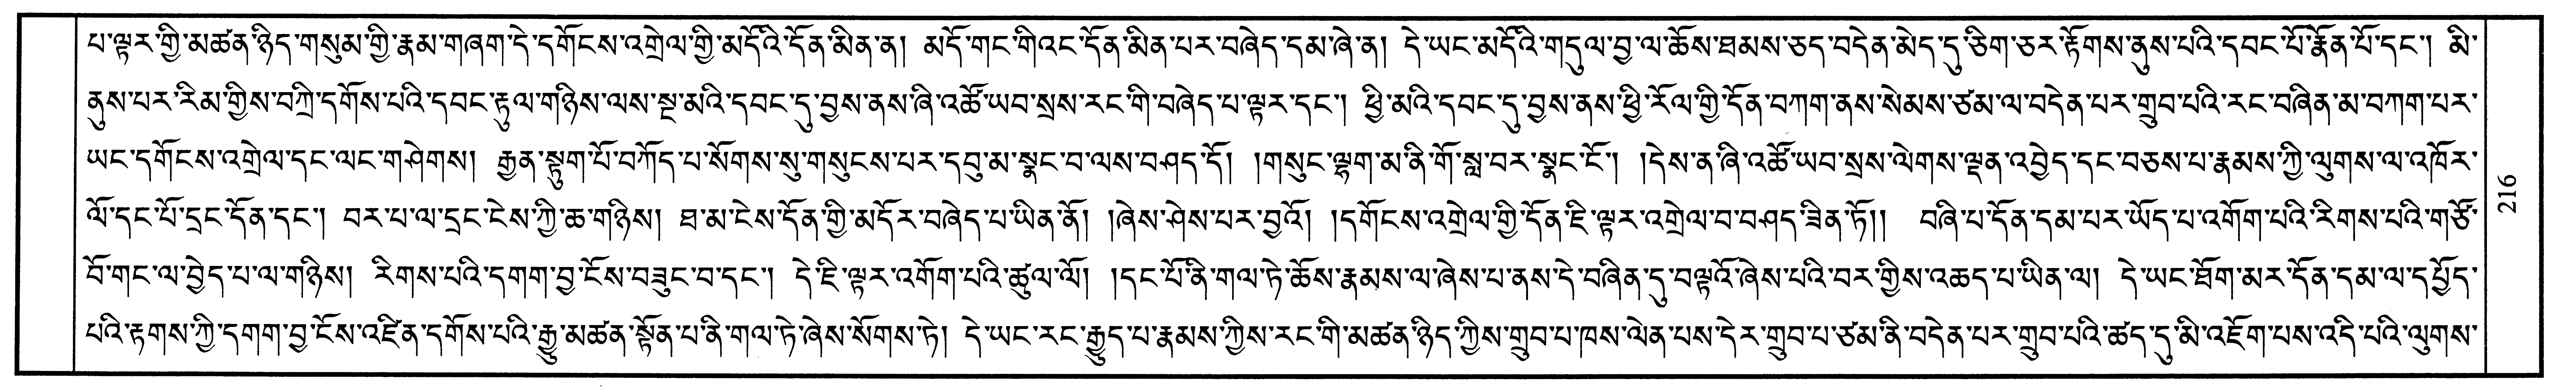པ་ལྟར་གྱི་མཚན་ཉིད་གསུམ་གྱི་རྣམ་གཞག་དེ་དགོངས་འགྲེལ་གྱི་མདོའི་དོན་མིན་ན། མདོ་གང་གིའང་དོན་མིན་པར་བཞེད་དམ་ཞེ་ན། དེ་ཡང་མདོའི་གདུལ་བྱ་ལ་ཆོས་ཐམས་ཅད་བདེན་མེད་དུ་ཅིག་ཅར་རྟོགས་ནུས་པའི་དབང་པོ་རྣོན་པོ་དང་། མི་
ནུས་པར་རིམ་གྱིས་བཀྲི་དགོས་པའི་དབང་རྟུལ་གཉིས་ལས་སྔ་མའི་དབང་དུ་བྱས་ནས་ཞི་འཚོ་ཡབ་སྲས་རང་གི་བཞེད་པ་ལྟར་དང་། ཕྱི་མའི་དབང་དུ་བྱས་ནས་ཕྱི་རོལ་གྱི་དོན་བཀག་ནས་སེམས་ཙམ་ལ་བདེན་པར་གྲུབ་པའི་རང་བཞིན་མ་བཀག་པར་
ཡང་དགོངས་འགྲེལ་དང་ལང་གཤེགས། རྒྱན་སྟུག་པོ་བཀོད་པ་སོགས་སུ་གསུངས་པར་དབུ་མ་སྣང་བ་ལས་བཤད་དོ། །གསུང་ལྷག་མ་ནི་གོ་སླ་བར་སྣང་ངོ། །དེས་ན་ཞི་འཚོ་ཡབ་སྲས་ལེགས་ལྡན་འབྱེད་དང་བཅས་པ་རྣམས་ཀྱི་ལུགས་ལ་འཁོར་
ལོ་དང་པོ་དྲང་དོན་དང་། བར་པ་ལ་དྲང་ངེས་ཀྱི་ཆ་གཉིས། ཐ་མ་ངེས་དོན་གྱི་མདོར་བཞེད་པ་ཡིན་ནོ། །ཞེས་ཤེས་པར་བྱའོ། །དགོངས་འགྲེལ་གྱི་དོན་ཇི་ལྟར་འགྲེལ་བ་བཤད་ཟིན་ཏོ།། བཞི་པ་དོན་དམ་པར་ཡོད་པ་འགོག་པའི་རིགས་པའི་གཙོ་
བོ་གང་ལ་བྱེད་པ་ལ་གཉིས། རིགས་པའི་དགག་བྱ་ངོས་བཟུང་བ་དང་། དེ་ཇི་ལྟར་འགོག་པའི་ཚུལ་ལོ། །དང་པོ་ནི་གལ་ཏེ་ཆོས་རྣམས་ལ་ཞེས་པ་ནས་དེ་བཞིན་དུ་བལྟའོ་ཞེས་པའི་བར་གྱིས་འཆད་པ་ཡིན་ལ། དེ་ཡང་ཐོག་མར་དོན་དམ་ལ་དཔྱོད་
པའི་རྟགས་ཀྱི་དགག་བྱ་ངོས་འཛིན་དགོས་པའི་རྒྱུ་མཚན་སྟོན་པ་ནི་གལ་ཏེ་ཞེས་སོགས་ཏེ། དེ་ཡང་རང་རྒྱུད་པ་རྣམས་ཀྱིས་རང་གི་མཚན་ཉིད་ཀྱིས་གྲུབ་པ་ཁས་ལེན་པས་དེར་གྲུབ་པ་ཙམ་ནི་བདེན་པར་གྲུབ་པའི་ཚད་དུ་མི་འཇོག་པས་འདི་པའི་ལུགས་